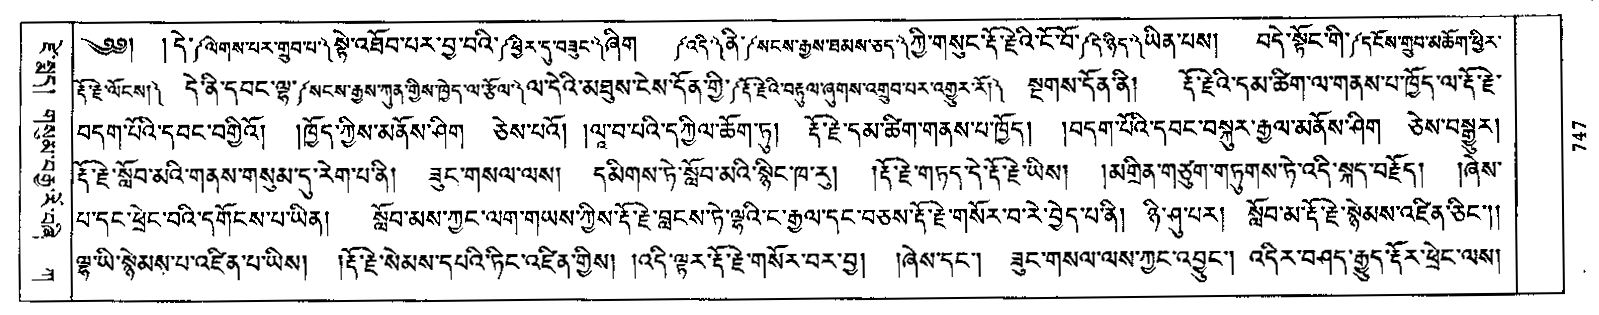༄༅། །དེ ༼ལེགས་པར་གྲུབ་པ྄་སྟེ་འཐོབ་པར་བྱ་བའི་༽ཕྱིར་དུ་བཟུང྄་ཞིག ༼འདི་ནི་༽སངས་རྒྱས་ཐམས་ཅད྄་ཀྱི་གསུང་རྡོ་རྗེའི་ངོ་བོ ༼དེ་ཉིད྄་ཡིན་པས། བདེ་སྟོང་གི་༽དངོས་གྲུབ་མཆོག་ཕྱིར་
རྡོ་རྗེ་ལོངས།?་དེ་ནི་དབང་ལྷ ༼སངས་རྒྱས་ཀུན་གྱིས་ཁྱེད་ལ་རྩོལ྄་ལ་དེའི་མཐུས་ངེས་དོན་གྱི་༽རྡོ་རྗེའི་བརྟུལ་ཞུགས་འགྲུབ་པར་འགྱུར་རོ།?་སྔགས་དོན་ནི། རྡོ་རྗེའི་དམ་ཚིག་ལ་གནས་པ་ཁྱོད་ལ་རྡོ་རྗེ་
བདག་པོའི་དབང་བགྱིའོ། །ཁྱོད་ཀྱིས་མནོས་ཤིག་ཅེས་པའོ། །ལཱ་བ་པའི་དཀྱིལ་ཆོག་ཏུ། རྡོ་རྗེ་དམ་ཚིག་གནས་པ་ཁྱོད། །བདག་པོའི་དབང་བསྐུར་རྒྱལ་མནོས་ཤིག་ཅེས་བསྒྱུར།
རྡོ་རྗེ་སློབ་མའི་གནས་གསུམ་དུ་རེག་པ་ནི། ཟུང་གསལ་ལས། དམིགས་ཏེ་སློབ་མའི་སྙིང་ཁ་རུ། །རྡོ་རྗེ་གཏད་དེ་རྡོ་རྗེ་ཡིས། །མགྲིན་གཙུག་གཏུགས་ཏེ་འདི་སྐད་བརྗོད། །ཞེས་
པ་དང་ཕྲེང་བའི་དགོངས་པ་ཡིན། སློབ་མས་ཀྱང་ལག་གཡས་ཀྱིས་རྡོ་རྗེ་བླངས་ཏེ་ལྷའི་ང་རྒྱལ་དང་བཅས་རྡོ་རྗེ་གསོར་བ་རེ་བྱེད་པ་ནི། ཉི་ཤུ་པར། སློབ་མ་རྡོ་རྗེ་སྙེམས་འཛིན་ཅིང།།
ལྷ་ཡི་སྙེམས་པ་འཛིན་པ་ཡིས། །རྡོ་རྗེ་སེམས་དཔའི་ཏིང་འཛིན་གྱིས། །འདི་ལྟར་རྡོ་རྗེ་གསོར་བར་བྱ། །ཞེས་དང་། ཟུང་གསལ་ལས་ཀྱང་འབྱུང་། འདིར་བཤད་རྒྱུད་རྡོར་ཕྲེང་ལས།